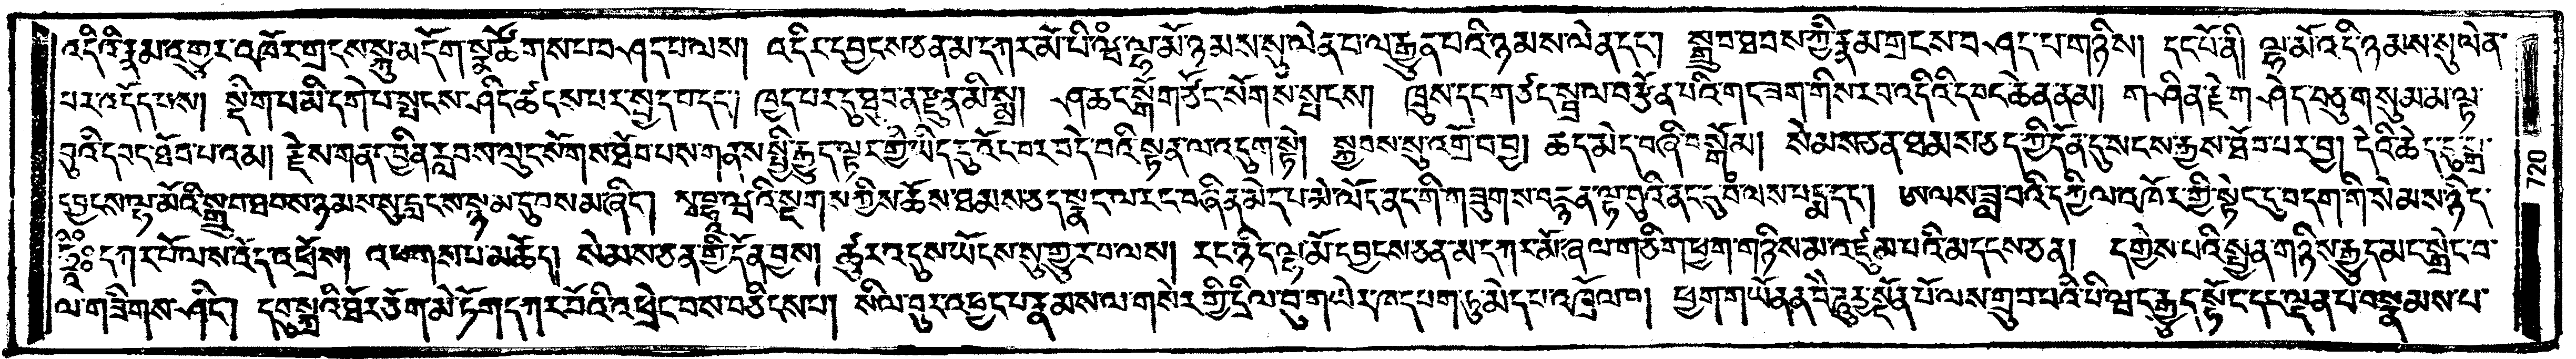འདིའི་རྣམ་འགྱུར་འཁོར་གྲངས་སྐུ་མདོག་སྣ་ཚོགས་པ་བཤད་པ་ལས། འདིར་དབྱངས་ཅན་མ་དཀར་མོ་པི་ཝཾ་ལྷ་མོ་ཉམས་སུ་ལེན་པ་ལ་རྒྱུན་པའི་ཉམས་ལེན་དང་། སྒྲུབ་ཐབས་ཀྱི་རྣམ་གྲངས་བཤད་པ་གཉིས། དང་པོ་ནི། ལྷ་མོ་འདི་ཉམས་སུ་ལེན་
པར་འདོད་པས། སྡིག་པ་མི་དགེ་པ་སྤངས་ཤིང་ཚངས་པར་སྤྱད་པ་དང་། ཁྱད་པར་དུ་ཐུབ་ན་རྫུན་མི་སྨྲ། ཤ་ཆང་སྒོ་གཙོང་སོགས་སྤངས། ཁྲུས་དང་ཙང་སྦྲལ་བརྩོན་པའི་གང་ཟག་གིས་རབ་འདིའི་དབང་ཆེན་ནམ། གཤིན་རྗེ་གཤེད་བཅུ་གསུམ་མ་ལྟ་
བུའི་དབང་ཐོབ་པའམ་རྗེས་གནང་བྱིན་རླབས་ལུང་སོགས་ཐོབ་པས་གནས་སྤྱི་རྒྱུད་ལྟར་གྱི་ཡིད་དུ་འོང་བར་བདེ་བའི་སྟན་ལ་འདུག་སྟེ། སྐྱབས་སུ་འགྲོ་བ་བྱ། ཆད་མེད་བཞི་བསྒོམ། སེམས་ཅན་ཐམས་ཅད་ཀྱི་དོན་དུ་སངས་རྒྱས་ཐོབ་པར་བྱ། དེའི་ཆེད་དུ་སྒྲ་
དབྱངས་ལྷ་མོའི་སྒྲུབ་ཐབས་ཉམས་སུ་དྲངས་སྙམ་དུ་བསམ་ཞིང་། སྭ་བྷཱ་ཝའི་སྡགས་ཀྱིས་ཆོས་ཐམས་ཅད་སྣང་ལ་རང་བཞིན་མེད་པ་མེ་ལོང་ནང་གི་གཟུགས་བརྙེན་ལྟ་བུའི་ནང་དུ་བཾ་ལས་པདམ་དང་། ཨ་ལས་ཟླ་བའི་དཀྱིལ་འཁོར་ཀྱི་སྟེང་དུ་བདག་གི་སེམས་ཉིད་
ཧྲཱིཾཿ དཀར་པོ་ལས་འོད་འཕྲོས། འཕགས་པ་མཆོད། སེམས་ཅན་གྱི་དོན་བྱས། ཚུར་འདུས་ཡོངས་སུ་གྱུར་པ་ལས། རང་ཉིད་ལྷ་མོ་དབྱངས་ཅན་མ་དཀར་མོ་ཞལ་གཅིག་ཕྱག་གཉིས་མ་འཛུམ་པའི་མདངས་ཅན། དགྱེས་པའི་སྤྱན་གཉིས་རྒྱུད་མང་སྐྲེང་བ་
ལ་གཟིགས་ཤིང་། དབུ་སྐྲའི་ཐོར་ཅོག་མེ་ཏོག་དཀར་པོའི་འཕྲེང་བས་བཅིངས་པ། སིལ་བུར་འཕྱང་པ་རྣམས་ལ་གསེར་གྱི་དྲིལ་བུ་གཡར་ཁ་དཔག་ཏུ་མེད་པ་འཁྲོལ་བ། ཕྱག་གཡོན་ན་བཻ་ཌཱུརྱ་སྡོན་པོ་ལས་གྲུབ་པའི་ལི?་ཝང་རྒྱུད་སྟོང་དང་ལྡན་པ་བསྣམས་པ་